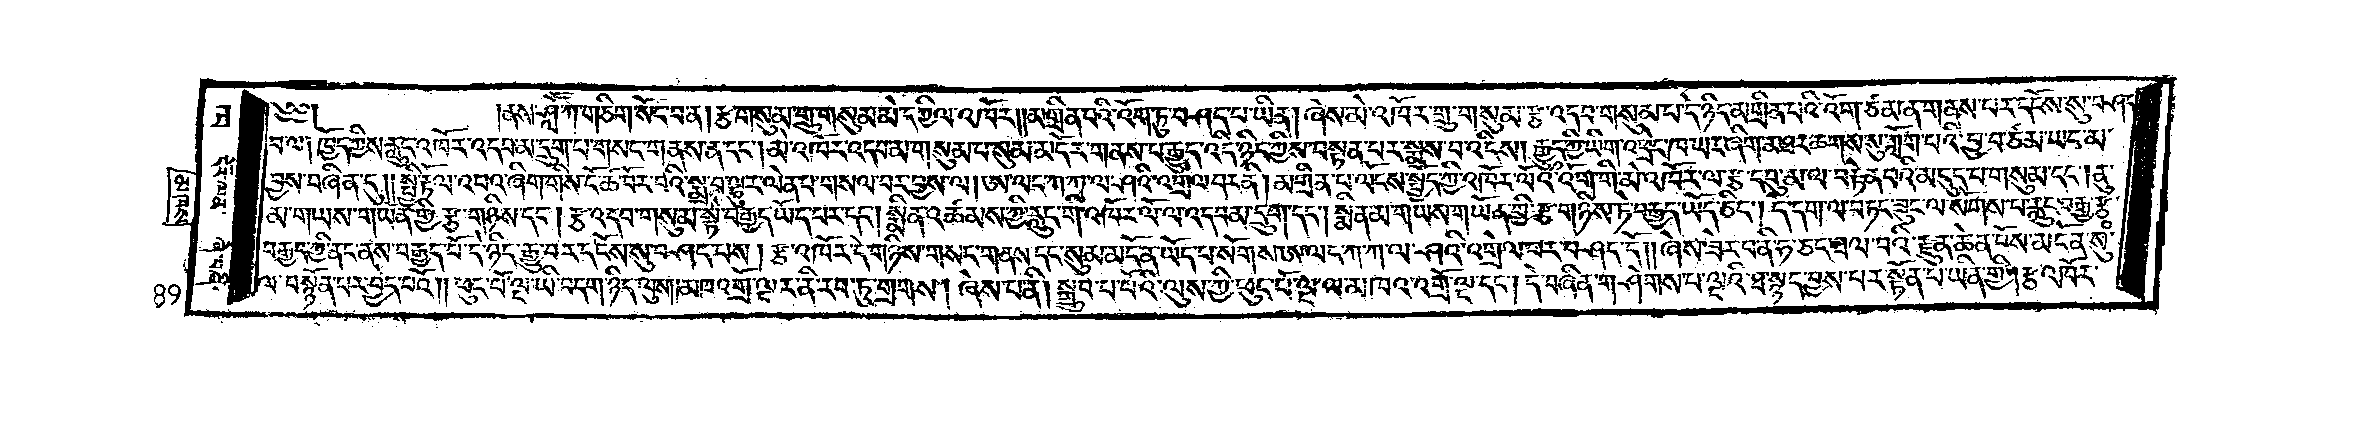༄༅། །ནས་ཤླཽ་ཀ་གཅིག་སོང་བ་ན། རྩ་གསུམ་གྲུ་གསུམ་མེ་དཀྱིལ་འཁོར། །མགྲིན་པའི་འོག་ཏུ་བཤད་པ་ཡིན། ཞེས་མི་འཁོར་གྲུ་གསུམ་རྩ་འདབ་གསུམ་པ་དེ་ཉིད་མགྲིན་པའི་འོག་ཙམ་ན་གནས་པར་དངོས་སུ་བཤད་
བ་ལ། ཁྱོད་ཀྱིས་རླུང་འཁོར་འདབ་མ་དྲུག་པ་གསང་གནས་ན་དང་། མེ་འཁོར་འདབ་མ་གསུམ་པ་སུམ་མདོར་གནས་པ་རྒྱུད་འདི་ཉིད་ཀྱིས་བསྟན་པར་སྨྲས་པ་འདིས། རྒྱུད་ཀྱི་ཡིག་འཕྲེང་ཁ་ཡར་ཞིག་མཐར་ཆགས་སུ་ཀློག་པའི་བྱ་བ་ཙམ་ཡང་མ་
བྱས་བཞིན་དུ། སྤྱི་རྟོལ་འབའ་ཞིག་གིས་ངོ་ཚ་བོར་བའི་སྨྲ་བ་ལྷུར་ལེན་པ་གསལ་བར་བྱས་ལ། ཨ་ལང་ཀ་ཀ་ཀཱ་ལ་ཤའི་འགྲེལ་བར་ནི། མགྲིན་པ་ལོངས་སྤྱོད་ཀྱི་འཁོར་ལོའི་འོག་གི་མེ་འཁོར་ལ་རྩ་དབུ་མ་ལ་བརྟེན་པའི་མདུད་པ་གསུམ་དང་། ནུ་
མ་གཡས་གཡོན་གྱི་རྩ་གཉིས་དང་། རྩ་འདབ་གསུམ་སྟེ་བརྒྱད་ཡོད་པར་དང་། སྨིན་འཚམས་ཀྱི་རླུང་གི་འཁོར་ལོ་ལ་འདབ་མ་དྲུག་དང་། སྨིན་མ་གཡོས་གཡོན་གྱི་རྩ་གཉིས་ཏེ་བརྒྱད་ཡོད་ཅིང་། དེ་དག་ལ་བཏང་ཟུང་ལ་སོགས་པ་རླུང་བརྒྱ་རྩ་
བརྒྱད་ཀྱི་ནང་ནས་བརྒྱད་པོ་དེ་ཉིད་རྒྱུ་བར་དངོས་སུ་བཤད་པས། རྩ་འཁོར་དེ་གཉིས་གསང་གནས་དང་སུམ་མདོ་ན་ཡོད་པ་སོགས་ཨ་ལང་ཀ་ཀ་ལ་ཤའི་འགྲེལ་བར་བཤད་དོ། །ཞེས་ཟེར་བ་ནི་ཧ་ཅང་ཐལ་བའི་རྫུན་ཆེན་པོས་མངོན་སུམ་
ལ་བསྙོན་པར་བྱེད་པའོ། །ཕུང་པོ་ལྔ་ཡི་བདག་ཉིད་ལུས། །མཁའ་འགྲོ་ལྔར་ནི་རབ་ཏུ་གྲགས། ཞེས་པ་ནི། སྒྲུབ་པ་པོའི་ལུས་ཀྱི་ཕུང་པོ་ལྔ་ལ་མཁའ་འགྲོ་ལྔ་དང་། དེ་བཞིན་གཤེགས་པ་ལྔའི་ཐ་སྙད་བྱས་པར་སྟོན་པ་ཡིན་གྱི། རྩ་འཁོར་